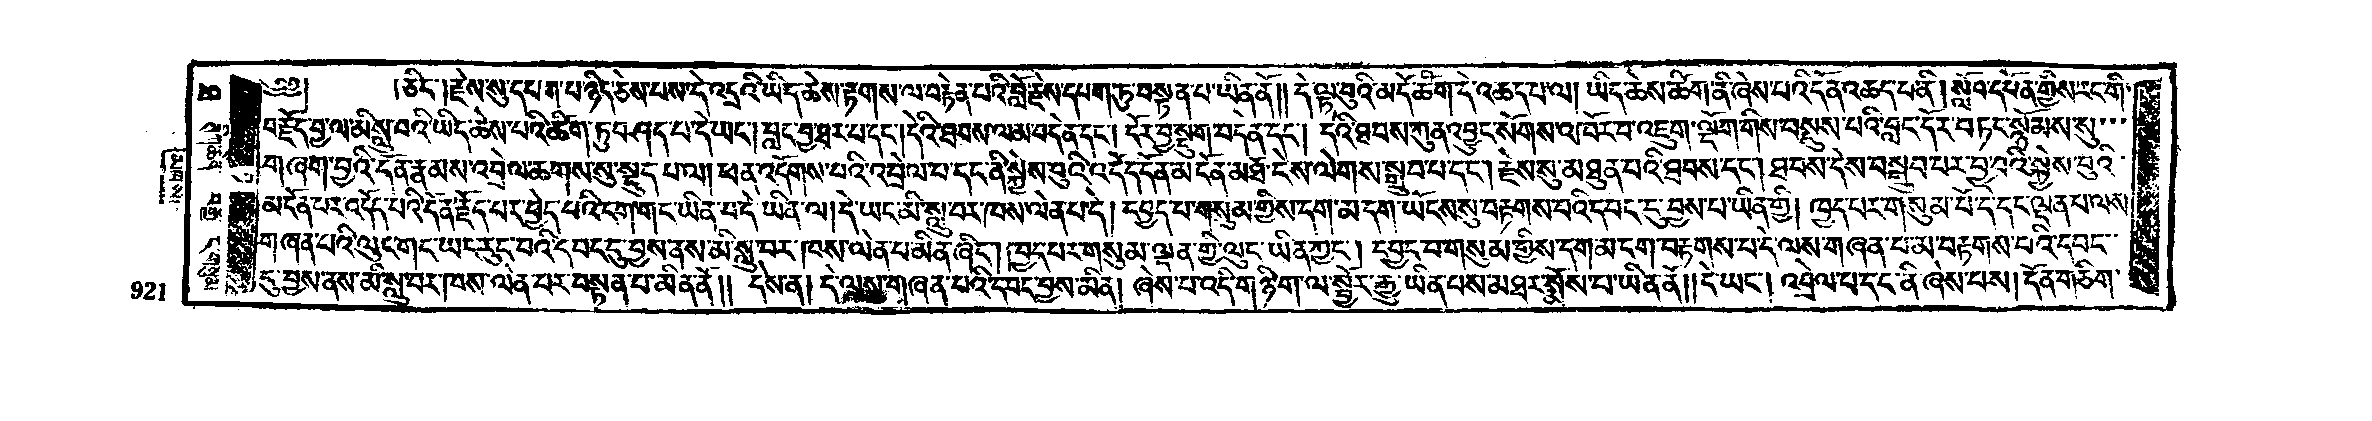༄༅། །ཅིང༑ རྗེས་སུ་དཔག་པ་ཉིད་ཅེས་པས་དེ་འདྲའི་ཡིད་ཆེས་རྟགས་ལ་བརྟེན་པའི་བློ་རྗེས་དཔག་ཏུ་བསྟན་པ་ཡིན་ནོ། །དེ་ལྟ་བུའི་མདོ་ཚིག་དེ་འཆད་པ་ལ། ཡིད་ཆེས་ཚིག་ནི་ཞེས་པའི་དོན་འཆད་པ་ནི། སློབ་དཔོན་གྱིས་རང་གི་
བརྗོད་བྱ་ལ་མི་སླུ་བའི་ཡིད་ཆེས་པའི་ཚིག་ཏུ་བཤད་པ་དེ་ཡང་། བླང་བྱ་ཐར་པ་དང་། དེའི་ཐབས་ལམ་བདེན་དང་། དོར་བྱ་སྡུག་བདེན་དང་། དེའི་ཐབས་ཀུན་འབྱུང་སོགས་འཁོར་བ་འཇུག་ལྡོག་གིས་བསྡུས་པའི་བླང་དོར་བཏང་སྙོམས་སུ་
གཞག་བྱའི་དོན་རྣམས་འབྲེལ་ཆགས་སུ་སྡུད་པ་ལ། ཕན་འདོགས་པའི་འབྲེལ་པ་དང་ནི་སྐྱེས་བུའི་འདོད་དོན་མངོན་མཐོ་ངེས་ལེགས་སྒྲུབ་པ་དང་། རྗེས་སུ་མཐུན་པའི་ཐབས་དང་། ཐབས་དེས་བསྒྲུབ་པར་བྱ་བའི་སྐྱེས་བུའི་
མངོན་པར་འདོད་པའི་དོན་རྗོད་པར་བྱེད་པའི་ངག་གང་ཡིན་པ་དེ་ཡིན་ལ། དེ་ཡང་མི་སླུ་བར་ཁས་ལེན་པ་དེ། དཔྱད་པ་གསུམ་གྱིས་དག་མ་དག་ཡོངས་སུ་བརྟགས་པའི་དབང་དུ་བྱས་པ་ཡིན་གྱི། ཁྱད་པར་གསུམ་པོ་དེ་དང་ལྡན་པ་ལས་
གཞན་པའི་ལུང་གང་ཡང་རུང་བའི་དབང་དུ་བྱས་ནས་མི་སླུ་བར་ཁས་ལེན་པ་མིན་ཞིང་། ཁྱད་པར་གསུམ་ལྡན་གྱི་ལུང་ཡིན་ཀྱང་། དཔྱད་པ་གསུམ་གྱིས་དག་མ་དག་བརྟགས་པ་དེ་ལས་གཞན་པ་མ་བརྟགས་པའི་དབང་
དུ་བྱས་ནས་མི་སླུ་བར་ཁས་ལེན་པར་བསྟན་པ་མིན་ནོ། །དེས་ན། དེ་ལས་གཞན་པའི་དབང་བྱས་མིན། ཞེས་པ་འདི་གཉི་ག་ལ་སྦྱོར་རྒྱུ་ཡིན་པས་མཐར་སྨོས་པ་ཡིན་ནོ། །དེ་ཡང་། འབྲེལ་པ་དང་ནི་ཞེས་པས། དོན་གཅིག་